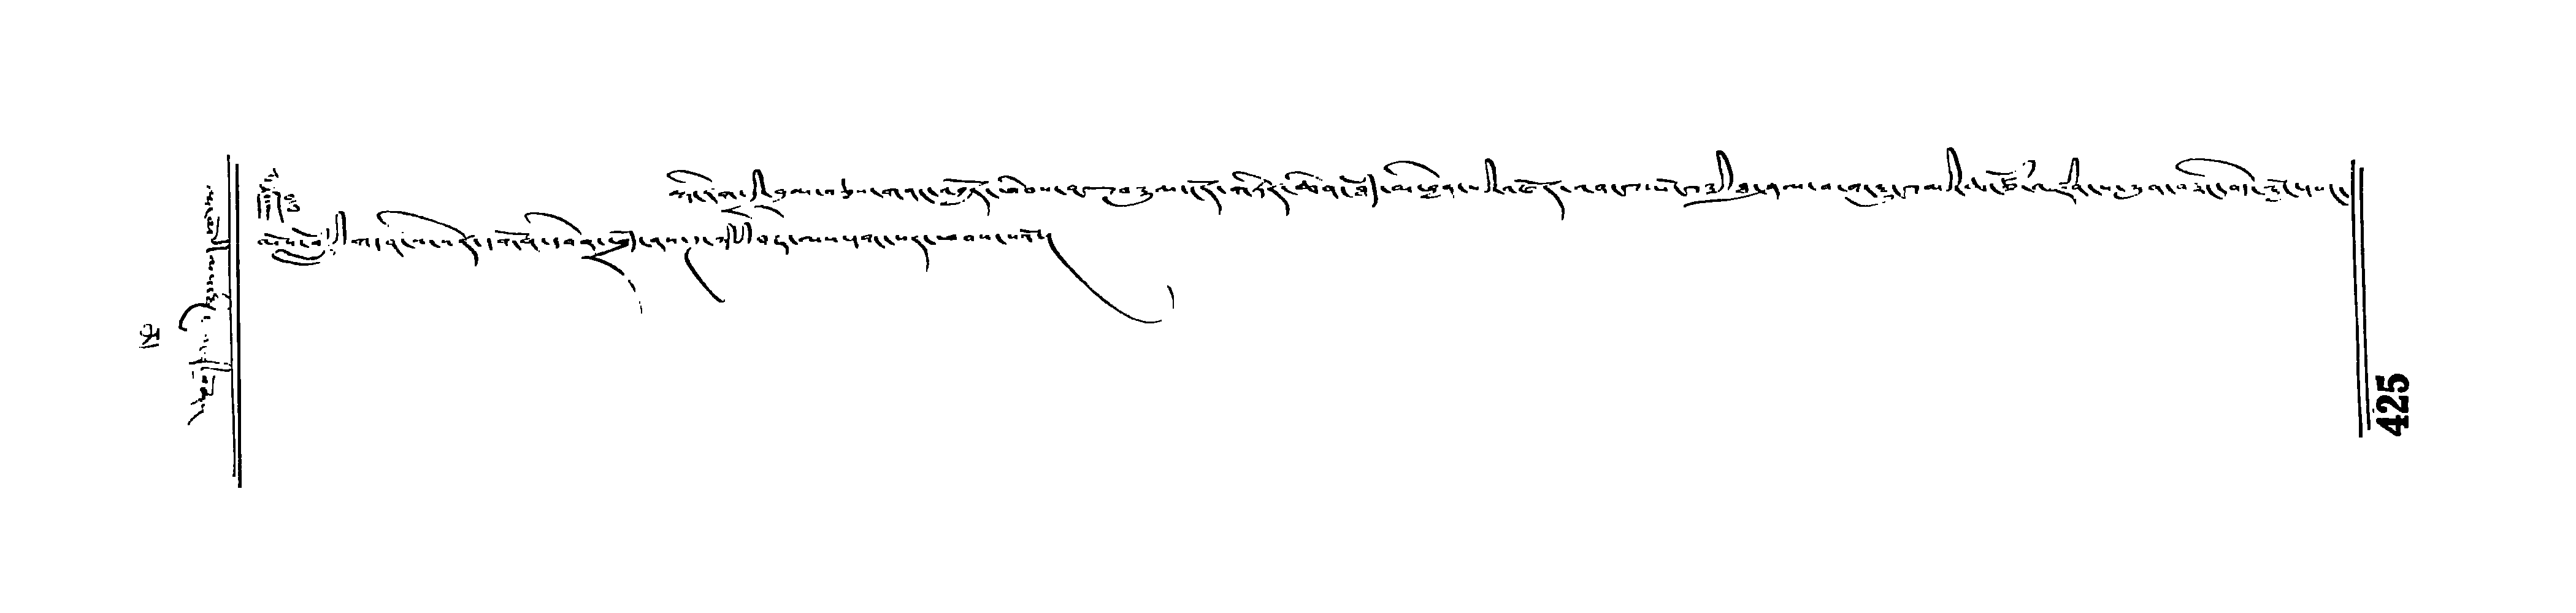ལྷ་རེག་དྲི་བྲལ་བཅས་གནང་འབྱོར་ཕེབས་ནས་བསྐུལ་ངོར་གཏེར་ཆེན་ཐམས་ཅད་མཁྱེན་པའི་འཁོར་འབངས་ཡོངས་ཀྱི་ཐ་ཤལ་བ་གཟུངས་མའི་ཆ་ཙམ་འཛིན་པ་ཀུན་བཟང་བདེ་སྐྱོང་དབང་
མོས་བླ་མའི་གདན་ས་སེར་དགོན་དབེན་ཕྲོད་ནས་ཌཱ་ཀིའི་བརྡ་ལས་དག་པར་ཕབས་པའོ།།